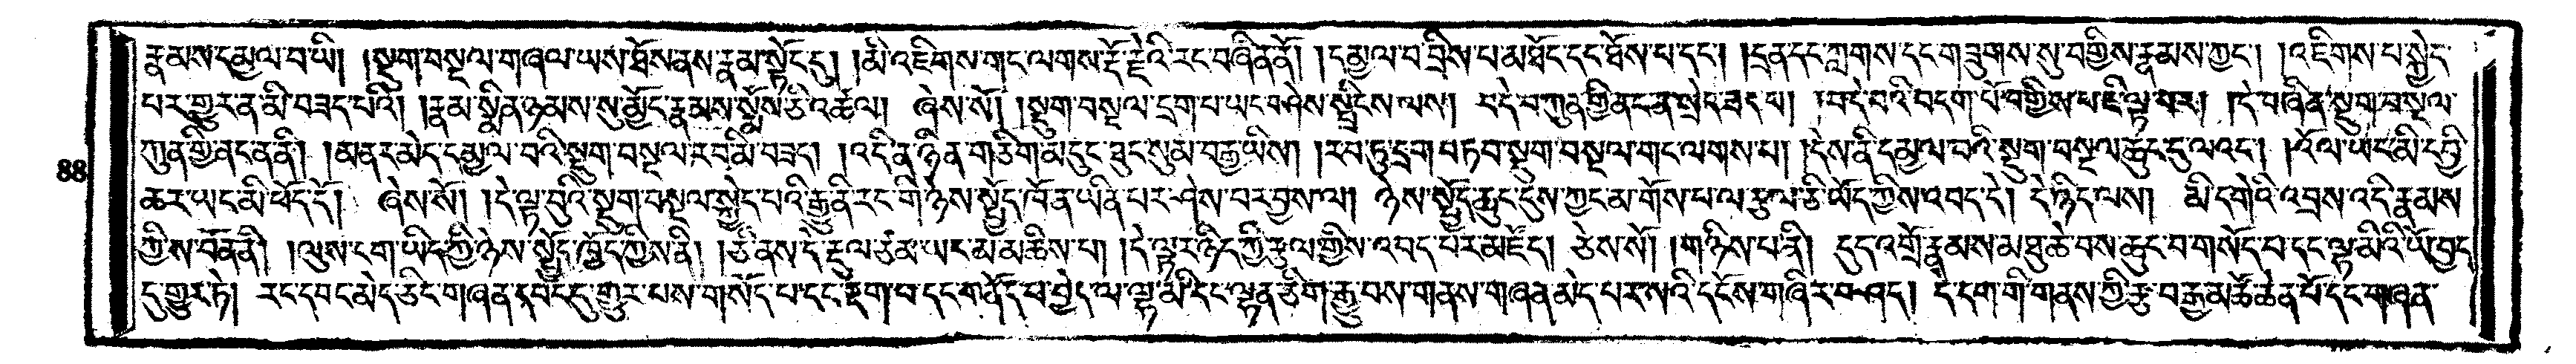རྣམས་དམྱལ་བ་ཡི། །སྡུག་བསྔལ་གཞལ་ཡས་ཐོས་ནས་རྣམ་སྟོང་དུ། །མི་འཇིགས་གང་ལགས་རྡོ་རྗེའི་རང་བཞིན་ནོ། །དམྱལ་བ་བྲིས་པ་མཐོང་དང་ཐོས་པ་དང་། །དྲན་དང་ཀླགས་དང་གཟུགས་སུ་བགྱིས་རྣམས་ཀྱང་། །འཇིགས་པ་སྐྱེད་
པར་གྱུར་ན་མི་བཟད་པའི། །རྣམ་སྨིན་ཉམས་སུ་མྱོང་རྣམས་སྨོས་ཅི་འཚལ། ཞེས་སོ། །སྡུག་བསྔལ་དྲག་པ་ཡང་བཤེས་སྤྲིངས་ལས། བདེ་བ་ཀུན་གྱི་ནང་ན་སྲེད་ཟད་པ། །བདེ་བའི་བདག་པོ་བགྱིས་པ་ཇི་ལྟ་བར། །དེ་བཞིན་སྡུག་བསྔལ་
ཀུན་གྱི་ནང་ན་ནི། །མནར་མེད་དམྱལ་བའི་སྡུག་བསྔལ་རབ་མི་བཟད། །འདི་ན་ཉིན་གཅིག་མདུང་ཐུང་སུམ་བརྒྱ་ཡིས། །རབ་ཏུ་དྲག་བཏབ་སྡུག་བསྔལ་གང་ལགས་པ། །དེས་ནི་དམྱལ་བའི་སྡུག་བསྔལ་ཆུང་དུ་ལའང་། །འོལ་ཡང་མི་དབྱི་
ཆར་ཡང་མི་ཕོད་དོ། ཞེས་སོ། །དེ་ལྟ་བུའི་སྡུག་བསྔལ་སྐྱེད་པའི་རྒྱུ་ནི་རང་གི་ཉེས་སྤྱོད་ཁོ་ན་ཡིན་པར་ཤེས་པར་བྱས་ལ། ཉེས་སྤྱོད་ཆུང་དུས་ཀྱང་མ་གོས་པ་ལ་རྩལ་ཅི་ཡོད་ཀྱིས་འབད་དེ། དེ་ཉིད་ལས། མི་དགེའི་འབྲས་འདི་རྣམས་
ཀྱིས་བོན་ནི། །ལུས་ངག་ཡིད་ཀྱི་ཉེས་སྤྱོད་ཁྱོད་ཀྱིས་ནི། །ཅི་ནས་དེ་རྡུལ་ཙམ་ཡང་མ་མཆིས་པ། །དེ་ལྟར་ཉིད་ཀྱི་རྩལ་གྱིས་འབད་པར་མཛོད། ཅེས་སོ། །གཉིས་པ་ནི། དུད་འགྲོ་རྣམས་མཐུ་ཆེ་བས་ཆུང་བ་གསོད་པ་དང་ལྷ་མིའི་ཡོ་བྱད་
དུ་གྱུར་ཏེ། རང་དབང་མེད་ཅིང་གཞན་དབང་དུ་གྱུར་པས་གསོད་པ་དང་རྡག་པ་དང་གནོད་པ་བྱེད་ལ་ལྷ་མི་དང་ལྷན་ཅིག་རྒྱུ་བས་གནས་གཞན་མེད་པར་སའི་དངོས་གཞིར་བཤད། དེ་དག་གི་གནས་ཀྱི་རྩ་བརྒྱ་མཚོ་ཆེན་པོ་དང་གཞན་